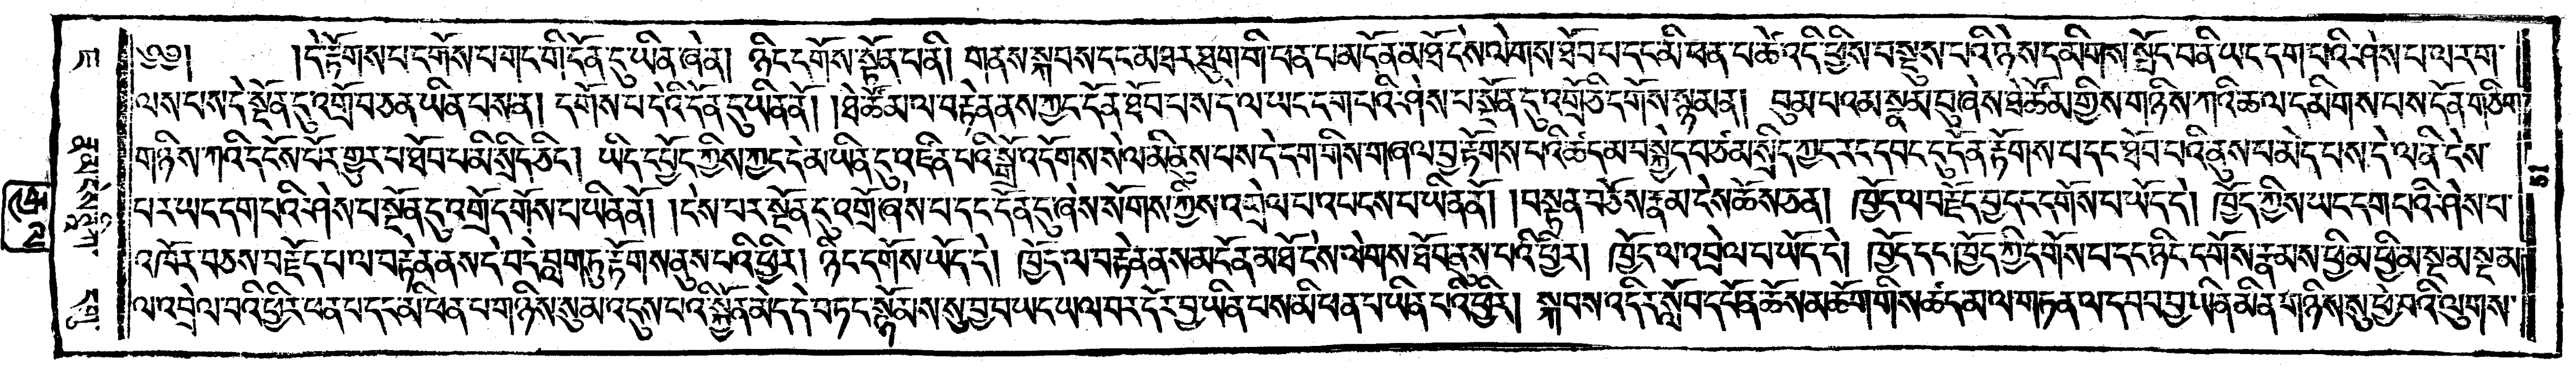༄༅། །དེ་རྟོགས་པ་དགོས་པ་གང་གི་དོན་དུ་ཡིན་ཞེ་ན། ཉིང་དགོས་སྟོན་པ་ནི། གནས་སྐབས་དང་མཐར་ཐུག་གི་ཕན་པ་མངོན་མཐོ་དེས་ལེགས་ཐོབ་པ་དང་མི་ཕན་པ་ཚེ་འདི་ཕྱིས་བསྡུས་པའི་ཉེས་དམིགས་སྤོང་བ་ནི་ཡང་དག་པའི་ཤེས་པ་ལ་རག་
ལས་པས་དེ་སྔོན་དུ་འགྲོ་བ་ཅན་ཡིན་པས་ན། དགོས་པ་དེའི་དོན་དུ་ཡིན་ནོ། །ཐེ་ཚོམ་ལ་བརྟེན་ནས་ཀྱང་དོན་ཐོབ་པས་དེ་ལ་ཡང་དག་པའི་ཤེས་པ་སྔོན་དུ་འགྲོ་ཅི་དགོས་སྙམ་ན། བུམ་པའམ་སྣམ་བུ་ཞེས་ཐེ་ཚོམ་གྱིས་གཉིས་ཀའི་ཆ་ལ་དམིགས་པས་དོན་གཅིག་
གཉིས་ཀའི་དངོས་པོར་གྱུར་པ་ཐོབ་པ་མི་སྲིད་ཅིང་། ཡིད་དཔྱོད་ཀྱིས་ཀྱང་དེ་མ་ཡིན་དུ་འཛིན་པའི་སྒྲོ་འདོགས་སེལ་མི་ནུས་པས་དེ་དག་གིས་གཞལ་བྱ་རྟོགས་པའི་ཚད་མ་བསྐྱེད་པ་ཙམ་སྲིད་ཀྱང་རང་དབང་དུ་དོན་རྟོགས་པ་དང་ཐོབ་པའི་ནུས་པ་མེད་པས་དེ་ལ་ནི་ངེས་
པར་ཡང་དག་པའི་ཤེས་པ་སྔོན་དུ་འགྲོ་དགོས་པ་ཡིན་ནོ། །ངེས་པར་སྔོན་དུ་འགྲོ་ཞེས་པ་དང་དོན་དུ་ཞེས་སོགས་ཀྱིས་འགྲེལ་པ་འཕངས་པ་ཡིན་ནོ། །བསྟན་བཅོས་རྣམ་ངེས་ཆོས་ཅན། ཁྱོད་ལ་བརྗོད་བྱ་དང་དགོས་པ་ཡོད་དེ། ཁྱོད་ཀྱིས་ཡང་དག་པའི་ཤེས་པ་
འཁོར་བཅས་བརྗོད་པ་ལ་བརྟེན་ནས་དེ་བདེ་བླག་ཏུ་རྟོགས་ནུས་པའི་ཕྱིར། ཉིང་དགོས་ཡོད་དེ། ཁྱོད་ལ་བརྟེན་ནས་མངོན་མཐོ་ངེས་ལེགས་ཐོབ་ནུས་པའི་ཕྱིར། ཁྱོད་ལ་འབྲེལ་པ་ཡོད་དེ། ཁྱོད་དང་ཁྱོད་ཀྱི་དགོས་པ་དང་ཉིང་དགོས་རྣམས་ཕྱི་མ་ཕྱི་མ་སྔ་མ་སྔ་མ་
ལ་འབྲེལ་བའི་ཕྱིར་ཕན་པ་དང་མི་ཕན་པ་གཉིས་སུ་མ་འདུས་པའི་སྐྱོན་མེད་དེ་བཏང་སྙོམས་སུ་བྱ་བ་ཡང་ཡལ་བར་དོར་བྱ་ཡིན་པས་མི་ཕན་པ་ཡིན་པའི་ཕྱིར། སྐབས་འདིར་སློབ་དཔོན་ཆོས་མཆོག་གིས་ཚད་མ་ལ་གཏན་ལ་དབབ་བྱ་ཡིན་མིན་གཉིས་སུ་ཕྱེ་བའི་ལུགས་